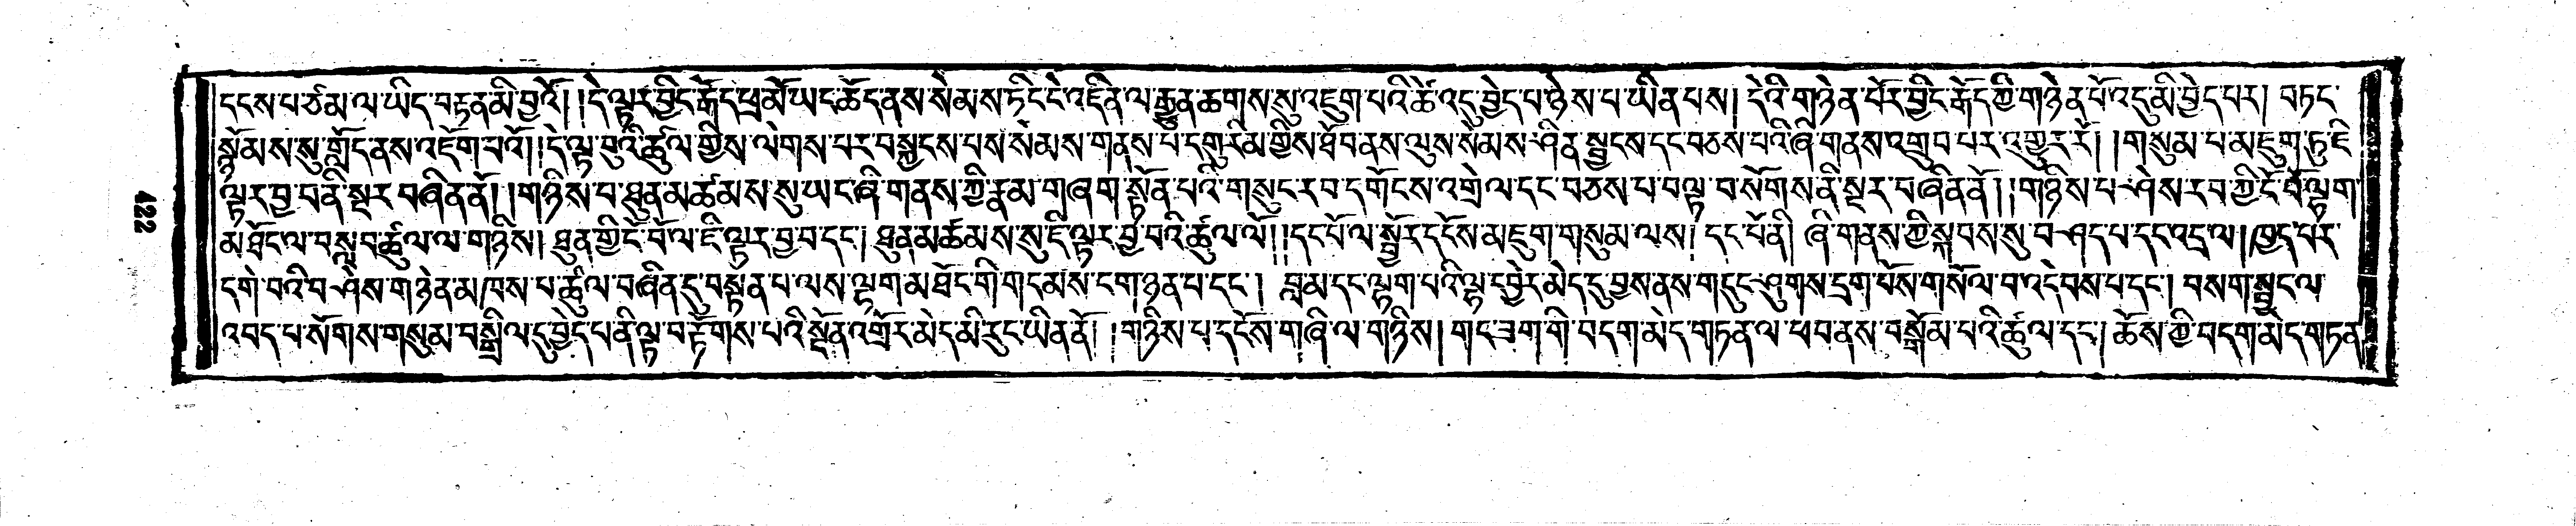དངས་པ་ཙམ་ལ་ཡིད་བརྟན་མི་བྱའོ། །དེ་ལྟར་བྱིང་རྒོད་ཕྲ་མོ་ཡང་ཆོད་ནས་སེམས་ཏིང་ངེ་འཛིན་ལ་རྒྱུན་ཆགས་སུ་འཇུག་པའི་ཚེ་འདུ་བྱེད་པ་ཉེས་པ་ཡིན་པས། དེའི་གཉེན་པོར་བྱིང་རྒོད་ཀྱི་གཉེན་པོ་འདུ་མི་བྱེད་པར། བཏང་
སྙོམས་སུ་གླད་ནས་འཇོག་པའོ། །དེ་ལྟ་བུའི་ཚུལ་གྱིས་ལེགས་པར་བསྐྱངས་པས་སེམས་གནས་པ་དགུ་རིམ་གྱིས་ཐོབ་ནས་ལུས་སེམས་ཤིན་སྦྱངས་དང་བཅས་པའི་ཞི་གནས་འགྲུབ་པར་འགྱུར་རོ། །གསུམ་པ་མཇུག་ཏུ་ཇི་
ལྟར་བྱ་བ་ནི་སྔར་བཞིན་ནོ། །གཉིས་པ་ཐུན་མཚམས་སུ་ཡང་ཞི་གནས་ཀྱི་རྣམ་གཞག་སྟོན་པའི་གསུང་རབ་དགོངས་འགྲེལ་དང་བཅས་པ་བལྟ་བ་སོགས་ནི་སྔར་བཞིན་ནོ། །གཉིས་པ་ཤེས་རབ་ཀྱི་ངོ་བོ་ལྷག་
མཐོང་ལ་བསླབ་ཚུལ་ལ་གཉིས། ཐུན་གྱི་ངོ་བོ་ལ་ཇི་ལྟར་བྱ་བ་དང་། ཐུན་མཚམས་སུ་ཇི་ལྟར་བྱ་བའི་ཚུལ་ལོ། །དང་པོ་ལ་སྦྱོར་དངོས་མཇུག་གསུམ་ལས། དང་པོ་ནི། ཞི་གནས་ཀྱི་སྐབས་སུ་བཤད་པ་དང་འདྲ་ལ། ཁྱད་པར་
དགེ་བའི་བཤེས་གཉེན་མཁས་པ་ཚུལ་བཞིན་དུ་བསྟེན་པ་ལས་ལྷག་མཐོང་གི་གདམས་ངག་ཉན་པ་དང་། བླ་མ་དང་ལྷག་པའི་ལྷ་དབྱེར་མེད་དུ་བྱས་ནས་གདུང་ཤུགས་དྲག་པོས་གསོལ་བ་འདེབས་པ་དང་། བསག་སྦྱང་ལ་
འབད་པ་སོགས་གསུམ་བསྒྲིལ་དུ་བྱེད་པ་ནི་ལྟ་བ་རྟོགས་པའི་སྔོན་འགྲོར་མེད་མི་རུང་ཡིན་ནོ། །གཉིས་པ་དངོས་གཞི་ལ་གཉིས། གང་ཟག་གི་བདག་མེད་གཏན་ལ་ཕབ་ནས་བསྒོམ་པའི་ཚུལ་དང་། ཆོས་ཀྱི་བདག་མེད་གཏན་